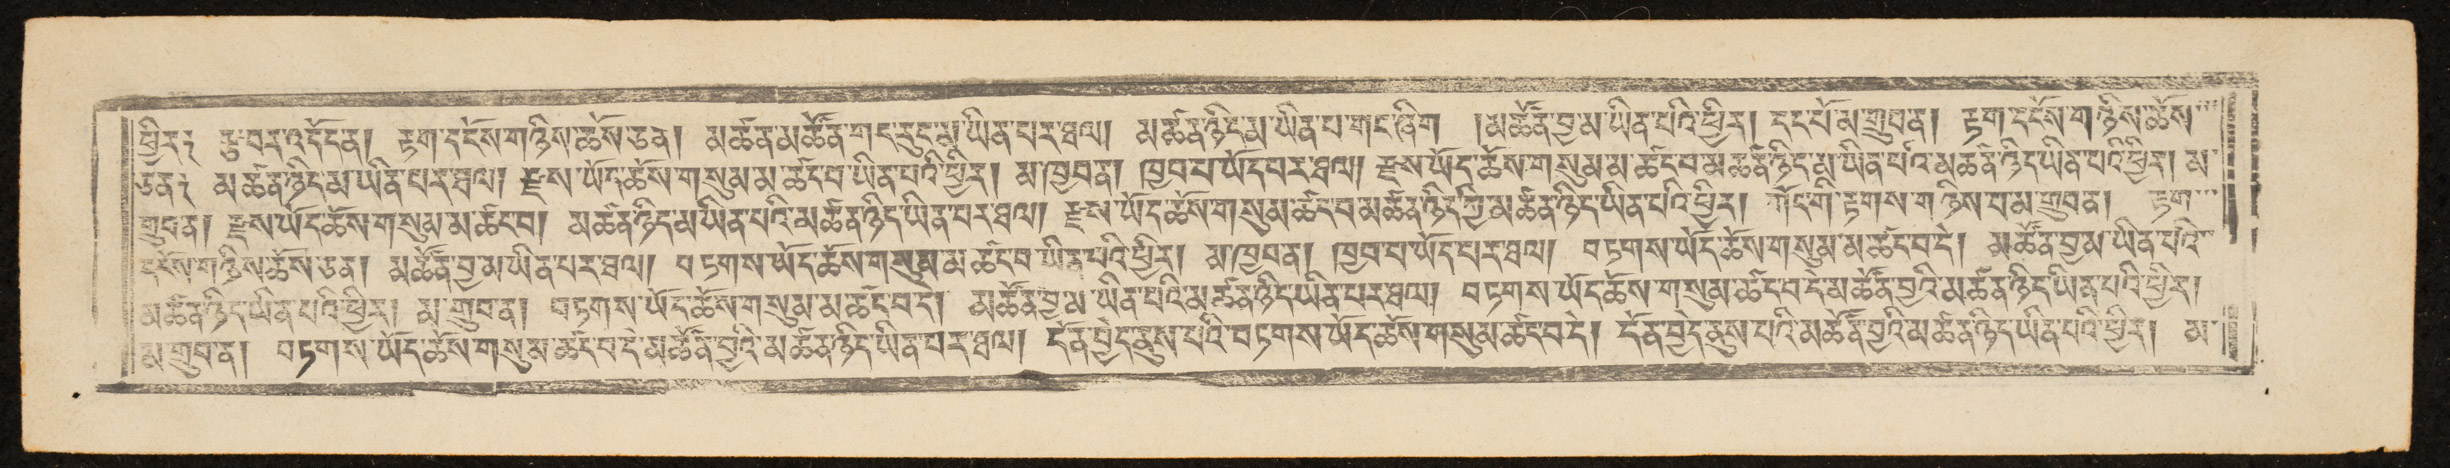ཕྱིར། རྩ་བར་འདོད་ན། རྟག་དངོས་གཉིས་ཆོས་ཅན། མཚན་མཚོན་གང་རུང་མ་ཡིན་པར་ཐལ། མཚན་ཉིད་མ་ཡིན་པ་གང་ཞིག །མཚོན་བྱ་མ་ཡིན་པའི་ཕྱིར། དང་པོ་མ་གྲུབ་ན། རྟག་དངོས་གཉིས་ཆོས་
ཅན། མཚན་ཉིད་མ་ཡིན་པར་ཐལ། རྫས་ཡོད་ཆོས་གསུམ་མ་ཚང་བ་ཡིན་པའི་ཕྱིར། མ་ཁྱབ་ན། ཁྱབ་པ་ཡོད་པར་ཐལ། རྫས་ཡོད་ཆོས་གསུམ་མ་ཚང་བ་མཚན་ཉིད་མ་ཡིན་པའི་མཚན་ཉིད་ཡིན་པའི་ཕྱིར། མ་
གྲུབ་ན། རྫས་ཡོད་ཆོས་གསུམ་མ་ཚང་བ། མཚན་ཉིད་མ་ཡིན་པའི་མཚན་ཉིད་ཡིན་པར་ཐལ། རྫས་ཡོད་ཆོས་གསུམ་ཚང་བ་མཚན་ཉིད་ཀྱི་མཚན་ཉིད་ཡིན་པའི་ཕྱིར། གོང་གི་རྟགས་གཉིས་པ་མ་གྲུབ་ན། རྟག་
དངོས་གཉིས་ཆོས་ཅན། མཚོན་བྱ་མ་ཡིན་པར་ཐལ། བཏགས་ཡོད་ཆོས་གསུམ་མ་ཚང་བ་ཡིན་པའི་ཕྱིར། མ་ཁྱབ་ན། ཁྱབ་པ་ཡོད་པར་ཐལ། བཏགས་ཡོད་ཆོས་གསུམ་མ་ཚང་བ་དེ། མཚོན་བྱ་མ་ཡིན་པའི་
མཚན་ཉིད་ཡིན་པའི་ཕྱིར། མ་གྲུབ་ན། བཏགས་ཡོད་ཆོས་གསུམ་མ་ཚང་བ་དེ། མཚོན་བྱ་མ་ཡིན་པའི་མཚན་ཉིད་ཡིན་པར་ཐལ། བཏགས་ཡོད་ཆོས་གསུམ་ཚང་བ་དེ་མཚོན་བྱའི་མཚན་ཉིད་ཡིན་པའི་ཕྱིར།
མ་གྲུབ་ན། བཏགས་ཡོད་ཆོས་གསུམ་ཚང་བ་དེ་མཚོན་བྱའི་མཚན་ཉིད་ཡིན་པར་ཐལ། དོན་བྱེད་ནུས་པའི་བཏགས་ཡོད་ཆོས་གསུམ་ཚང་བ་དེ། དོན་བྱེད་ནུས་པའི་མཚོན་བྱའི་མཚན་ཉིད་ཡིན་པའི་ཕྱིར། མ་